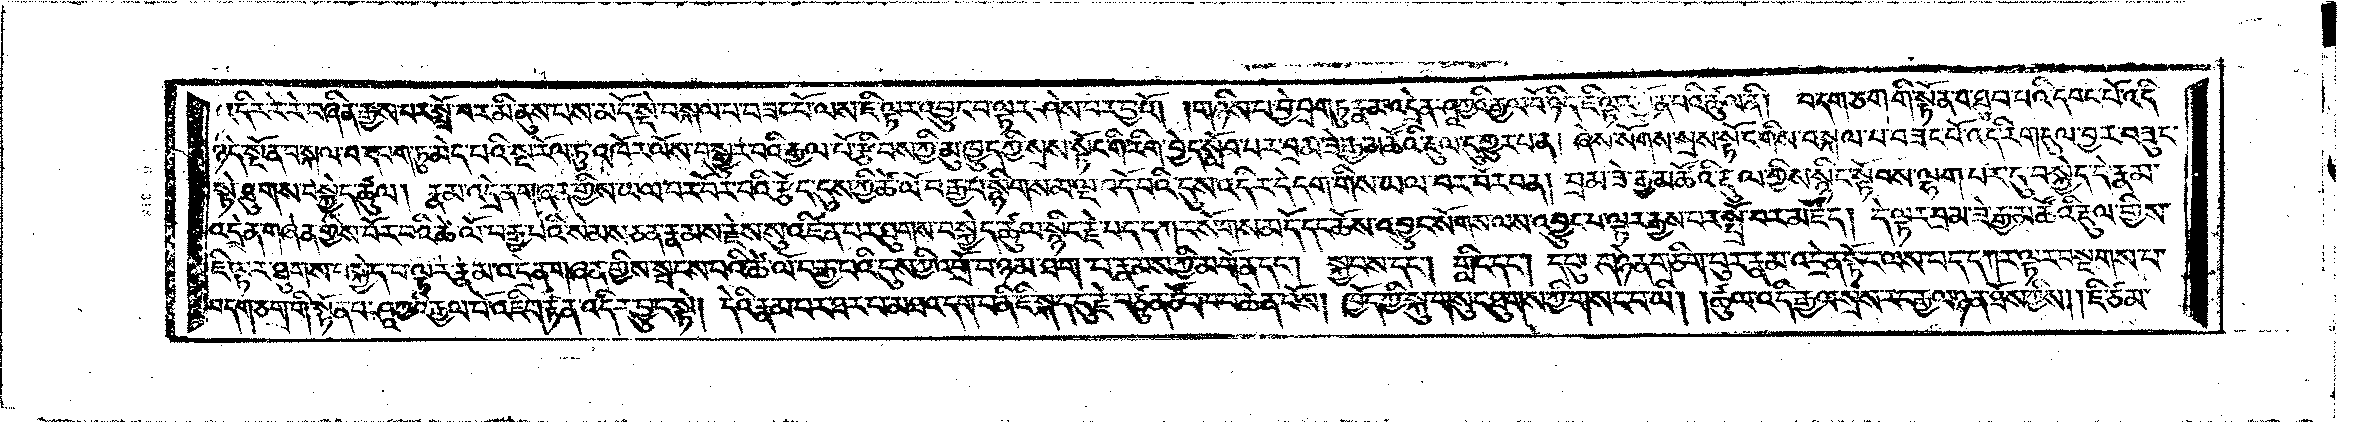འདིར་རེ་རེ་བཞིན་རྒྱས་པར་སྤྲོ་བར་མི་ནུས་པས་མདོ་སྡེ་བསྐལ་པ་བཟང་པོ་ལས་ཇི་ལྟར་འབྱུང་བ་ལྟར་ཤེས་པར་བྱའོ། །གཉིས་པ་བྱེ་བྲག་ཏུ་རྣམ་འདྲེན་ཤཱཀྱའི་རྒྱལ་པོ་ཉིད་ཇི་ལྟར་བཀྱོན་པའི་ཚུལ་ནི། བདག་ཅག་གི་སྟོན་པ་ཐུབ་པའི་དབང་པོ་འདི་
ཉིད་སྔོན་བསྐལ་བ་དཔག་ཏུ་མེད་པའི་སྔ་རོལ་ཏུ་འཁོར་ལོས་བསྒྱུར་བའི་རྒྱལ་པོ་རྩིབས་ཀྱི་མུ་ཁྱུད་ཀྱི་སྲས་སྟོང་གི་རིག་བྱེད་སློབ་པར་བྲམ་ཟེ་རྒྱ་མཚོའི་རྡུལ་དུ་གྱུར་པ་ན། ཞེས་སོགས་སྲས་སྟོང་གིས་བསྐལ་པ་བཟང་པོ་འདིར་གདུལ་བྱར་བཟུང་
སྟེ་ཐུགས་བསྐྱེད་ཚུལ། རྣམ་འདྲེན་གཞན་གྱིས་ཡལ་བར་བོར་བའི་རྩོད་དུས་ཀྱི་ཚེ་ལོ་བརྒྱ་པ་སྙིགས་མ་ལྔ་འདོད་བའི་དུས་འདིར་དེ་དག་གིས་ཡལ་བར་བོར་བ་ན། བྲམ་ཟེ་རྒྱ་མཚོའི་རྡུལ་གྱིས་སྙིང་སྟོབས་ལྷག་པར་དུ་བསྐྱེད་དེ་རྣམ་
འདྲེན་གཞེན་གྱིས་བོར་བའི་ཚེ་ལོ་བརྒྱ་པའི་སེམས་ཅན་རྣམས་རྗེས་སུ་འཛིན་པར་ཐུགས་བསྐྱེད་ཚུལ་སྙིང་རྗེ་པད་དཀར་སོགས་མདོ་དང་ཆོས་འབྱུང་སོགས་ལས་འབྱུང་བ་ལྟར་རྒྱས་པར་སྤྲོ་བར་མཛོད། དེ་ལྟར་བྲམ་ཟེ་རྒྱ་མཚོའི་རྡུལ་གྱིས་
ཇི་ལྟར་ཐུགས་བསྐྱེད་པ་ལྟར་རྣམ་འདྲེན་གཞན་གྱིས་སྤངས་པའི་ཚེ་ལོ་བརྒྱ་བའི་དུས་ཀྱི་འགྲོ་བ་ཉམ་ཐག་པ་རྣམས་ཀྱི་མགོན་དང་། སྐྱབས་དང་། གླིང་དང་། དབུང་གཉེན་གཅིག་བུར་རྣམ་འདྲེན་སྟོང་ལས་པད་དཀར་ལྟར་བསྔགས་པ་
བདག་ཅག་གི་སྟོན་པ་ཤཱཀྱའི་རྒྱལ་པོ་འཇིག་རྟེན་འདིར་བྱུང་སྟེ། དེའི་རྣམ་བར་ཐར་པ་མཐའ་དག་པ་ནི་ཇི་སྐད་དུ་རྗེ་བཙུན་ཙོང་ཁ་བ་ཆེན་པོས། ཁྱོད་ཀྱི་སྐུ་གསུང་ཐུགས་ཀྱི་གསང་བ་ཡི། །ཚུལ་འདི་རྒྱལ་སྲས་རང་རྒྱལ་ཉན་ཐོས་ཀྱིས། །ཇི་ཙམ་